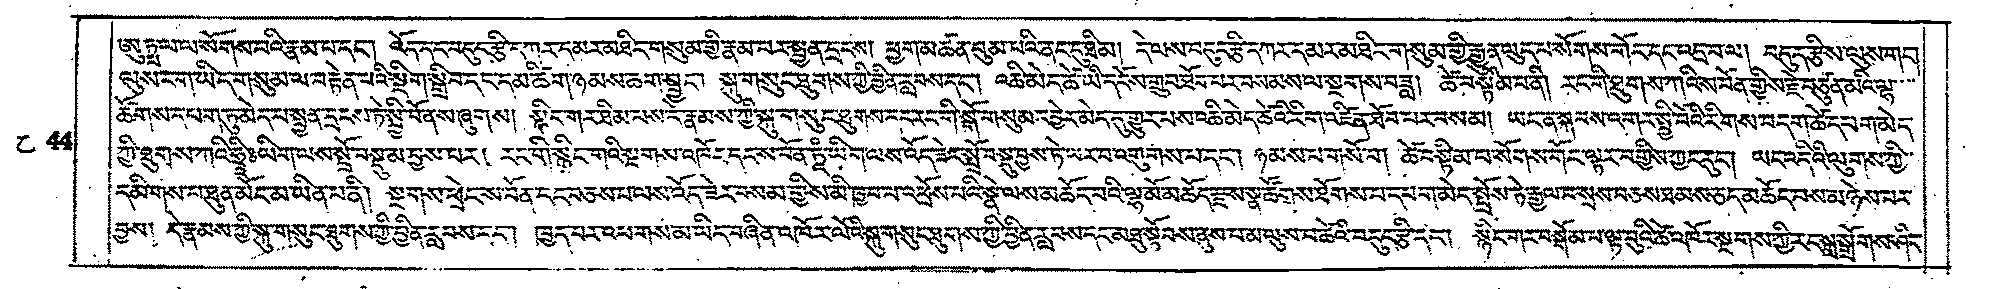ཨུཏྤ་ལ་ལ་སོགས་པའི་རྣམ་པ་དང་། འོད་དང་བདུད་རྩི་དཀར་དམར་མཐིང་གསུམ་གྱི་རྣམ་པར་སྤྱན་དྲངས། ཕྱག་མཚན་བུམ་པའི་ནང་དུ་ཐིམ། དེ་ལས་བདུད་རྩི་དཀར་དམར་མཐིང་གསུམ་གྱི་རྒྱུན་ལུད་པ་སོགས་གོང་དང་འདྲ་བ་ལ། བདུད་རྩིས་ལུས་གང་།
ལུས་ངག་ཡིད་གསུམ་ལ་བརྟེན་པའི་སྡིག་སྒྲིབ་དང་དམ་ཚིག་ཉམས་ཆག་སྦྱང་། སྐུ་གསུང་ཐུགས་ཀྱི་བྱིན་རླབས་དང་། འཆི་མེད་ཚེ་ཡི་དངོས་གྲུབ་ཐོབ་པར་བསམས་ལ་སྔགས་བཟླ། ཚེ་བསྟིམ་པ་ནི། རང་གི་ཐུགས་ཀའི་ས་བོན་གྱིས་རྗེ་བཙུན་མའི་ལྷ་་་
ཚོགས་དཔག་ཏུ་མེད་པ་སྤྱན་དྲངས་ཏེ་སྤྱི་བོ་ནས་ཞུགས། སྙིང་གར་ཐིམ་པས་དེ་རྣམས་ཀྱི་སྐུ་གསུང་ཐུགས་དང་རང་གི་སྒོ་གསུམ་དབྱེར་མེད་དུ་གྱུར་པས་འཆི་མེད་ཚེའི་རིག་འཛིན་ཐོབ་པར་བསམ། ཡང་ན་སྐབས་འགར་སྤྱི་བོའི་རིགས་བདག་ཚེ་དཔག་མེད་
ཀྱི་ཐུགས་ཀའི་ཧྲཱིཿཡིག་ལས་སྤྲོ་བསྡུ་མ་བྱས་པར། རང་གི་སྙིང་གའི་སྔགས་འཁོར་དང་ས་བོན་ཏཱཾ་ཡིག་ལས་འོད་ཟེར་སྤྲོ་བསྡུ་བྱས་ཏེ་ཡར་བ་འགུགས་པ་དང་། ཉམས་པ་གསོ་བ། ཉམ་པ་གསོ་བ། ཚེ་བསྟིམ་པ་སོགས་གོང་ལྟར་བགྱིས་ཀྱང་རུང་། ཡང་འདིའི་ལུགས་ཀྱི་་་
དམིགས་པ་ཐུན་མོང་མ་ཡིན་པ་ནི། སྔགས་ཕྲེང་ས་བོན་དང་བཅས་པ་ལས་འོད་ཟེར་བསམ་གྱིས་མི་ཁྱབ་པ་འཕྲོས་པའི་སྣེ་ལས་མཆོད་པའི་ལྷ་མོ་མཆོད་རྫས་སྣ་ཚོགས་ཐོགས་པ་དཔག་མེད་སྤྲོས་ཏེ་རྒྱལ་བ་སྲས་བཅས་ཐམས་ཅད་མཆོད་པས་མཉེས་པར་
བྱས། དེ་རྣམས་ཀྱི་སྐུ་གསུང་ཐུགས་ཀྱི་བྱིན་རླབས་དང་། ཁྱད་པར་འཕགས་མ་ཡིད་བཞིན་འཁོར་ལོའི་སྐུ་གསུང་ཐུགས་ཀྱི་བྱིན་རླབས་དང་མཐུ་སྟོབས་ནུས་པ་མ་ལུས་པ་ཚེའི་བདུད་རྩི་དང་། སྙིང་གར་བསྒོམ་པ་ལྟ་བུའི་ཚེ་འཁོར་སྔགས་ཀྱི་རང་སྒྲ་སྒྲོགས་ཤིང་